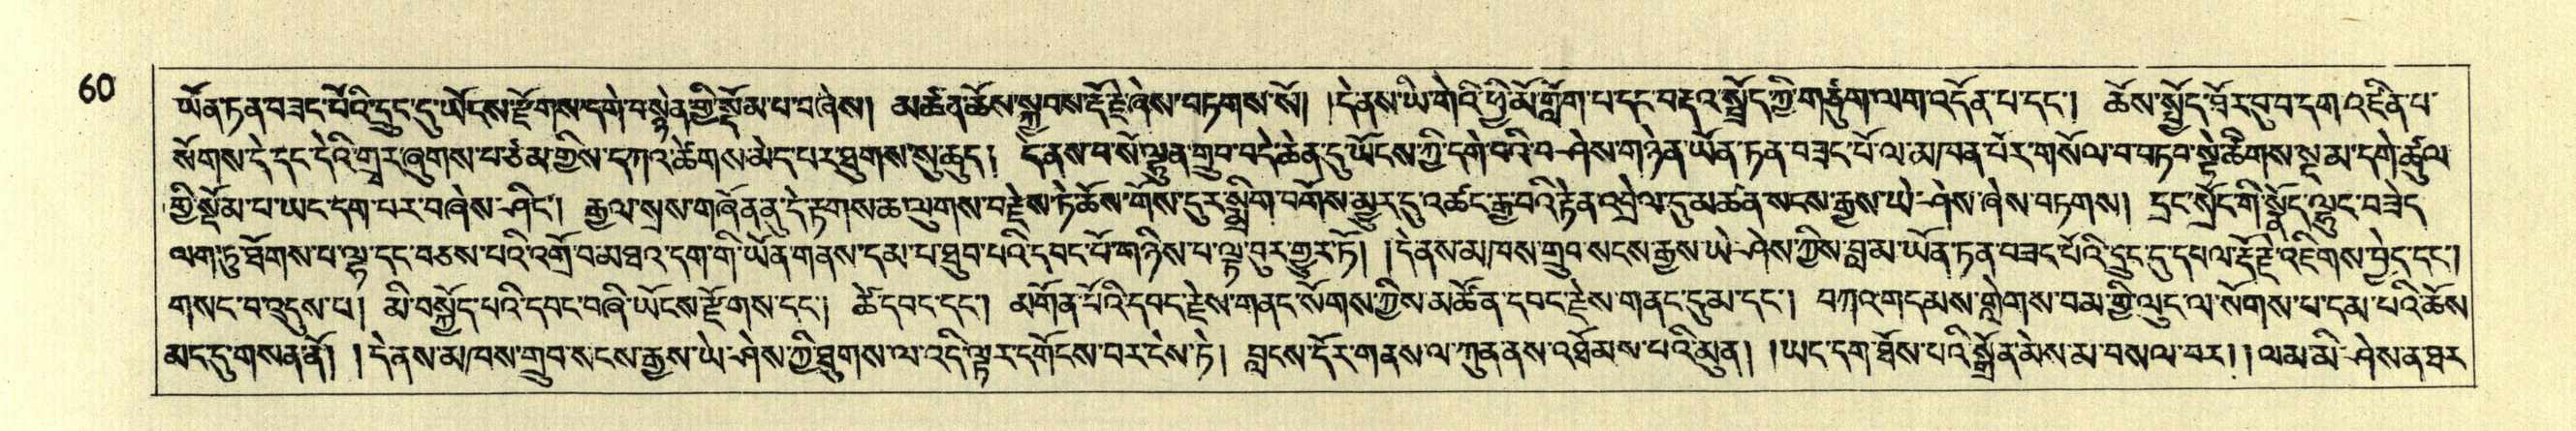ཡོན་ཏན་བཟང་པོའི་དྲུང་དུ་ཡོངས་རྫོགས་དགེ་བསྙེན་གྱི་སྡོམ་པ་བཞེས། མཚན་ཆོས་སྐྱབས་རྡོ་རྗེ་ཞེས་བཏགས་སོ། །དེ་ནས་ཡི་གེའི་ཕྱི་མོའི་གློག་པ་དང་བརྡའ་སྤྲོད་ཀྱི་གཙུག་ལག་དོན་པ་དང་། ཆོས་སྤྱོད་ཐོར་བུ་བདག་འཛིན་པ་
སོགས་དེ་དང་དེའི་གྲྭར་ཞུགས་པ་ཙམ་གྱིས་དཀའ་ཚེགས་མེད་པར་ཐུགས་སུ་ཆུད། དེ་ནས་བ་སོ་ལྷུན་གྲུབ་བདེ་ཆེན་དུ་ཡོངས་ཀྱི་དགེ་བའི་བཤེས་གཉེན་ཡོན་ཏན་བཟང་པོ་ལ་མཁན་པོར་གསོལ་བ་བཏབ་སྟེ་ཚིགས་སྔ་མ་དགེ་ཚུལ་
གྱི་སྡོམ་པ་ཡང་དག་པར་བཞེས་ཤིང་། རྒྱལ་སྲས་གཞོན་ནུ་དེ་རྟགས་ཆ་ལུགས་བརྗེས་ཏེ་ཆོས་གོས་དུར་སྨྲིག་བགོས་མྱུར་དུ་འཚང་རྒྱ་བའི་རྟེན་འབྲེལ་དུ་མཚན་སངས་རྒྱས་ཡེ་ཤེས་ཞེས་བཏགས། དྲང་སྲོང་གི་སྣོད་ལྷུང་བཟེད་
ལག་ཏུ་ཐོགས་པ་ལྷ་དང་བཅས་པའི་འགྲོ་བ་མཐའ་དག་གི་ཡོན་གནས་དམ་པ་ཐུབ་པའི་དབང་པོ་གཉིས་པ་ལྟ་བུར་གྱུར་ཏོ། །དེ་ནས་མཁས་གྲུབ་སངས་རྒྱས་ཡེ་ཤེས་ཀྱིས་བླ་མ་ཡོན་ཏན་བཟང་པོའི་དྲུང་དུ་དཔལ་རྡོ་རྗེ་འཇིགས་བྱེད་དང་།
གསང་བ་འདུས་པ། མི་བསྐྱོད་པའི་དབང་བཞི་ཡོངས་རྫོགས་དང་། ཚེ་དབང་དང་། མགོན་པོའི་དབང་རྗེས་གནང་སོགས་ཀྱིས་མཚན་དབང་རྗེས་གནང་དུ་མ་དང་། བཀའ་གདམས་གླེགས་བམ་གྱི་ལུང་ལ་སོགས་པ་དམ་པའི་ཆོས་
མང་དུ་གསན་ནོ། །དེ་ནས་མཁས་གྲུབ་སངས་རྒྱས་ཡེ་ཤེས་ཀྱི་ཐུགས་ལ་འདི་ལྟར་དགོངས་པར་ངེས་ཏེ། བླངས་དོར་གནས་ལ་ཀུན་ནས་འཐོམས་པའི་མུན། །ཡང་དག་ཐོས་པའི་སྒྲོན་མེས་མ་བསལ་བར། །ལམ་མི་ཤེས་ན་ཐར་